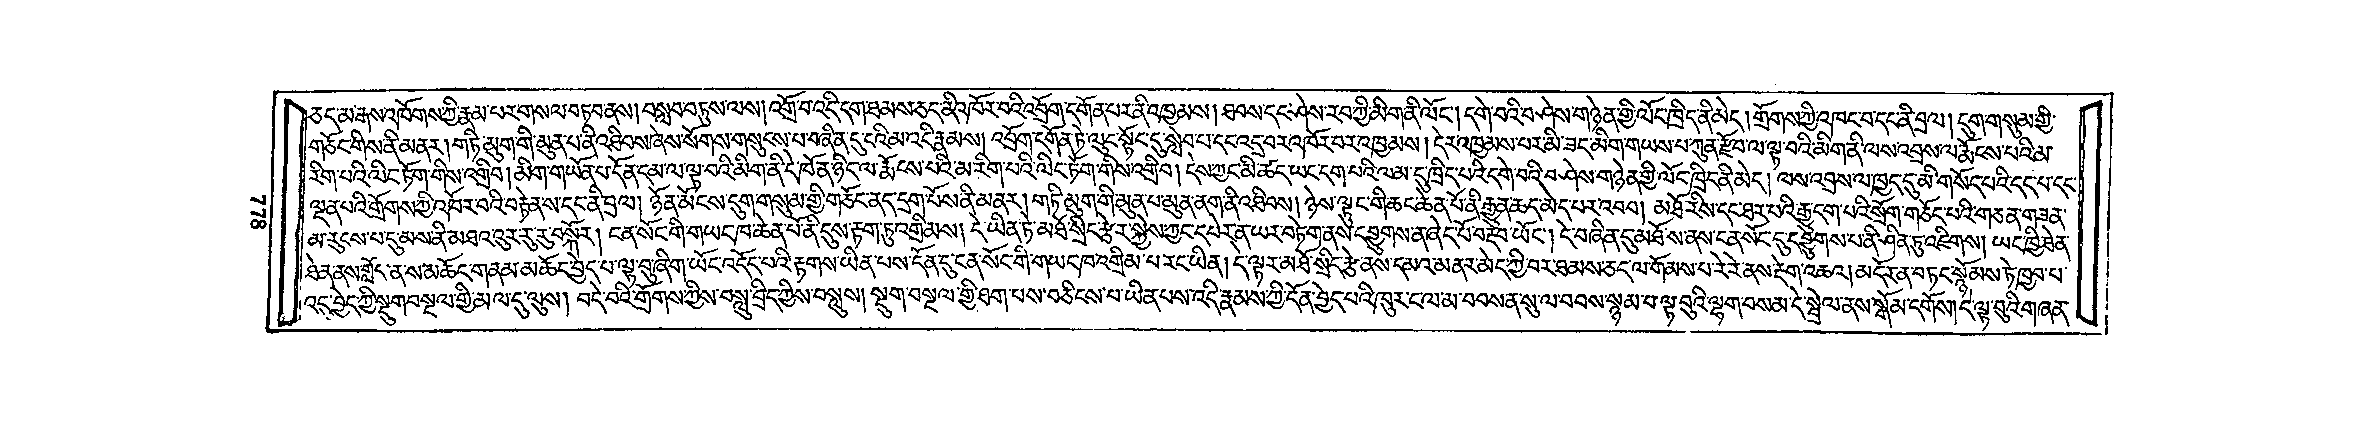ཅད་མ་རྒས་འཁོགས་ཀྱི་རྣམ་པར་གསལ་བཏབ་ནས། བསླབ་བཏུས་ལས། འགྲོ་བ་འདི་དག་ཐམས་ཅད་ནི་འཁོར་བའི་འབྲོག་དགོན་པར་ནི་འཁྱམས། ཐབས་དང་ཤེས་རབ་ཀྱི་མིག་ནི་ལོང་། དགེ་བའི་བཤེས་གཉེན་གྱི་ལོང་ཁྲིད་ནི་མེད། གྲོགས་ཀྱི་འཁང་བ་དང་ནི་བྲལ། དུག་གསུམ་གྱི་
གཅོང་གིས་ནི་མནར། གཏི་མུག་གི་མུན་པ་ནི་འཐིབས་ཞེས་སོགས་གསུངས་པ་བཞིན་དུ་ངའི་མ་འདི་རྣམས། འབྲོག་དགོན་ཏེ་ལུང་སྟོང་དུ་སླེབ་པ་དང་འདྲ་བར་འཁོར་བར་འཁྱམས། དེར་འཁྱམས་པར་མི་ཟད་མིག་གཡས་པ་ཀུན་རྫོབ་ལ་ལྟ་བའི་མིག་ནི་ལས་འབྲས་ལ་རྨོངས་པའི་མ་
རིག་པའི་ལིང་རོག་གིས་འགྲིབ། མིག་གཡོན་པ་དོན་དམ་ལ་ལྟ་བའི་མིག་ནི་དེ་ཁོ་ན་ཉིད་ལ་རྨོངས་པའི་མ་རིག་པའི་ལིང་ཏོག་གིས་འགྲིབ། དེས་ཀྱང་མི་ཚད་ཡང་དག་པའི་ལམ་དུ་ཁྲིད་པའི་དགེ་བའི་བཤེས་གཉེན་གྱི་ལོང་ཁྲིད་ནི་མེད། ལས་འབྲས་ལ་ཁྱད་དུ་མི་གསོད་པའི་དད་པ་དང་
ལྡན་པའི་གྲོགས་ཀྱི་འཁོར་བའི་བརྟེན་ས་དང་ནི་བྲལ། ཉོན་མོངས་དུག་གསུམ་གྱི་གཅོང་ནད་དྲག་པོས་ནི་མནར། གཏི་མུག་གི་མུན་པ་མུན་ནག་ནི་འཐིབས། ཉེས་ལྟུང་གི་ཆང་ཆེན་པོ་ནི་རྒྱུན་ཆད་མེད་པར་འབབ། མཐོ་རིས་དང་ཐར་པའི་རྒྱུ་དག་པའི་སྲོག་གཅོད་པའི་གཅན་གཟན་
མ་རུངས་པ་དུ་མས་ནི་མཐའ་འུར་རུ་རུ་བསྐོར། ངན་སོང་གི་གཡང་ཁ་ཆེན་པོ་ནི་དུས་རྟག་ཏུ་འགྲིམས། དེ་ཡིན་ཏེ་མཐོ་སྲིད་རྩེར་སྐྱེས་ཀྱང་དཔེར་ན་ཡར་བཏེག་ནས་དབྱུགས་ན་ཞེད་པོ་བརྡབ་ཡོང་། དེ་བཞིན་དུ་མཐོ་ས་ནས་ངན་སོང་དུ་དབྱུགས་པ་ནི་ཤིན་ཏུ་འཇིགས། ཡང་ཁྱི་ཐེན་
ཐེན་ནས་གློད་ན་ས་མཆོང་གནམ་མཆོང་བྱེད་པ་ལྟ་བུ་ཞིག་ཡོང་འདོད་པའི་རྟགས་ཡིན་པས་དོན་དུ་ངན་སོང་གི་གཡང་ཁ་འགྲིམ་པ་རང་ཡིན། དེ་ལྟར་མཐོ་སྲིད་རྩེ་ནས་དམའ་མནར་མེད་ཀྱི་བར་ཐམས་ཅད་ལ་གོམས་པ་རེ་རེ་ནས་རྡེག་འཆའ། མདོར་ན་བཏང་སྙོམས་ཏེ་ཁྱབ་པ་
འདུ་བྱེད་ཀྱི་སྡུག་བསྔལ་གྱི་མལ་དུ་ལུས། བདེ་བའི་གྲོགས་ཀྱིས་བསླུ་བྲིད་ཀྱིས་བསླུས། སྡུག་བསྔལ་གྱི་ཐག་པས་བཅིངས་པ་ཡིན་པས་འདི་རྣམས་ཀྱི་དོན་བྱེད་པའི་ཁུར་ང་ལ་མ་བབས་ན་སུ་ལ་བབས་སྙམ་པ་ལྟ་བུའི་ལྷག་བསམ་དེ་སྦྲེལ་ནས་སྒོམ་དགོས། དེ་ལྟ་བུའི་གཞ་